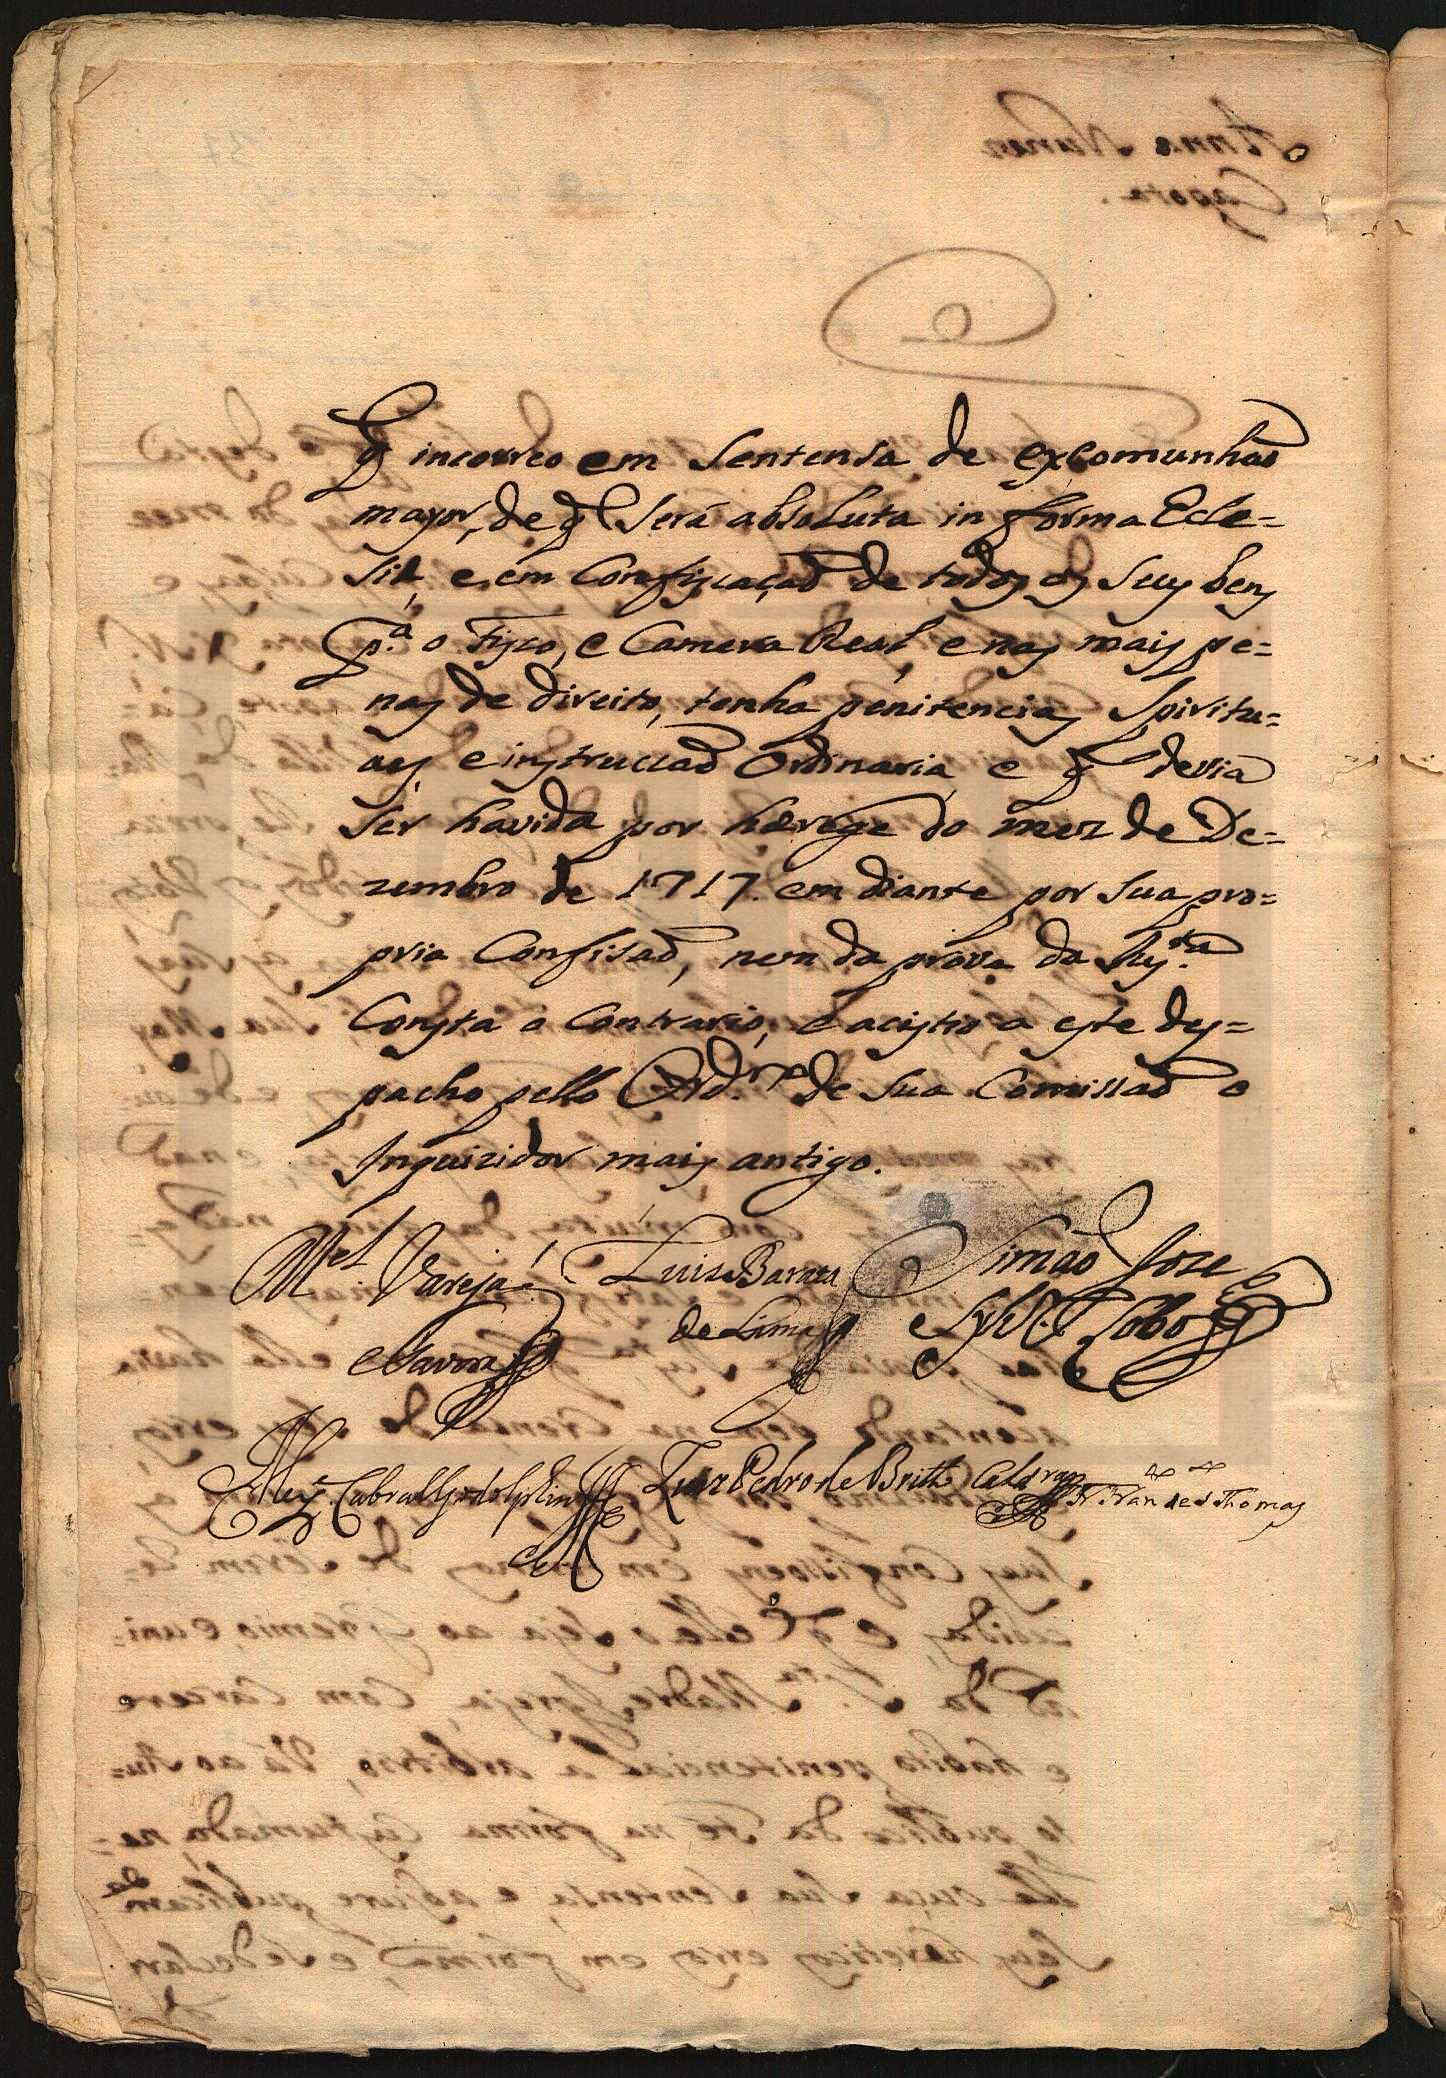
q̄ incorreo em sentensa de excomunhaõ
mayor, de q̄ será absoluta in forma Ecle
si_, e em Confiscaçaõ de todos os seus bens
p̄.a o Fisco, e Camera Real, e nas mais pe
nas de direito, tenha penitencias Spiritu
aes, e instrucão ordinaria, e q̄ devia
ser havida por herege do mez de De
zembro de 1717. em diante por sua pro
pria Confisaõ, nem da prova da Ius.ta
Consta o contrario, E acistio a este des
pacho pello Ord.ro de sua Comissaõ o
Inquizidor mais antigo.
M.el Varejaõ
e Tavora
M.el Varejaõ Luiz Barata Simaõ Joze
de Lima Sylv. Lobo
M.el Varejaõ Luiz Barata Simaõ Joze
de Lima Sylv. Lobo
Alexe Cabral Godolphin
Luiz Pedro de Britto Calora
Fr Franco de Sto Thomas
